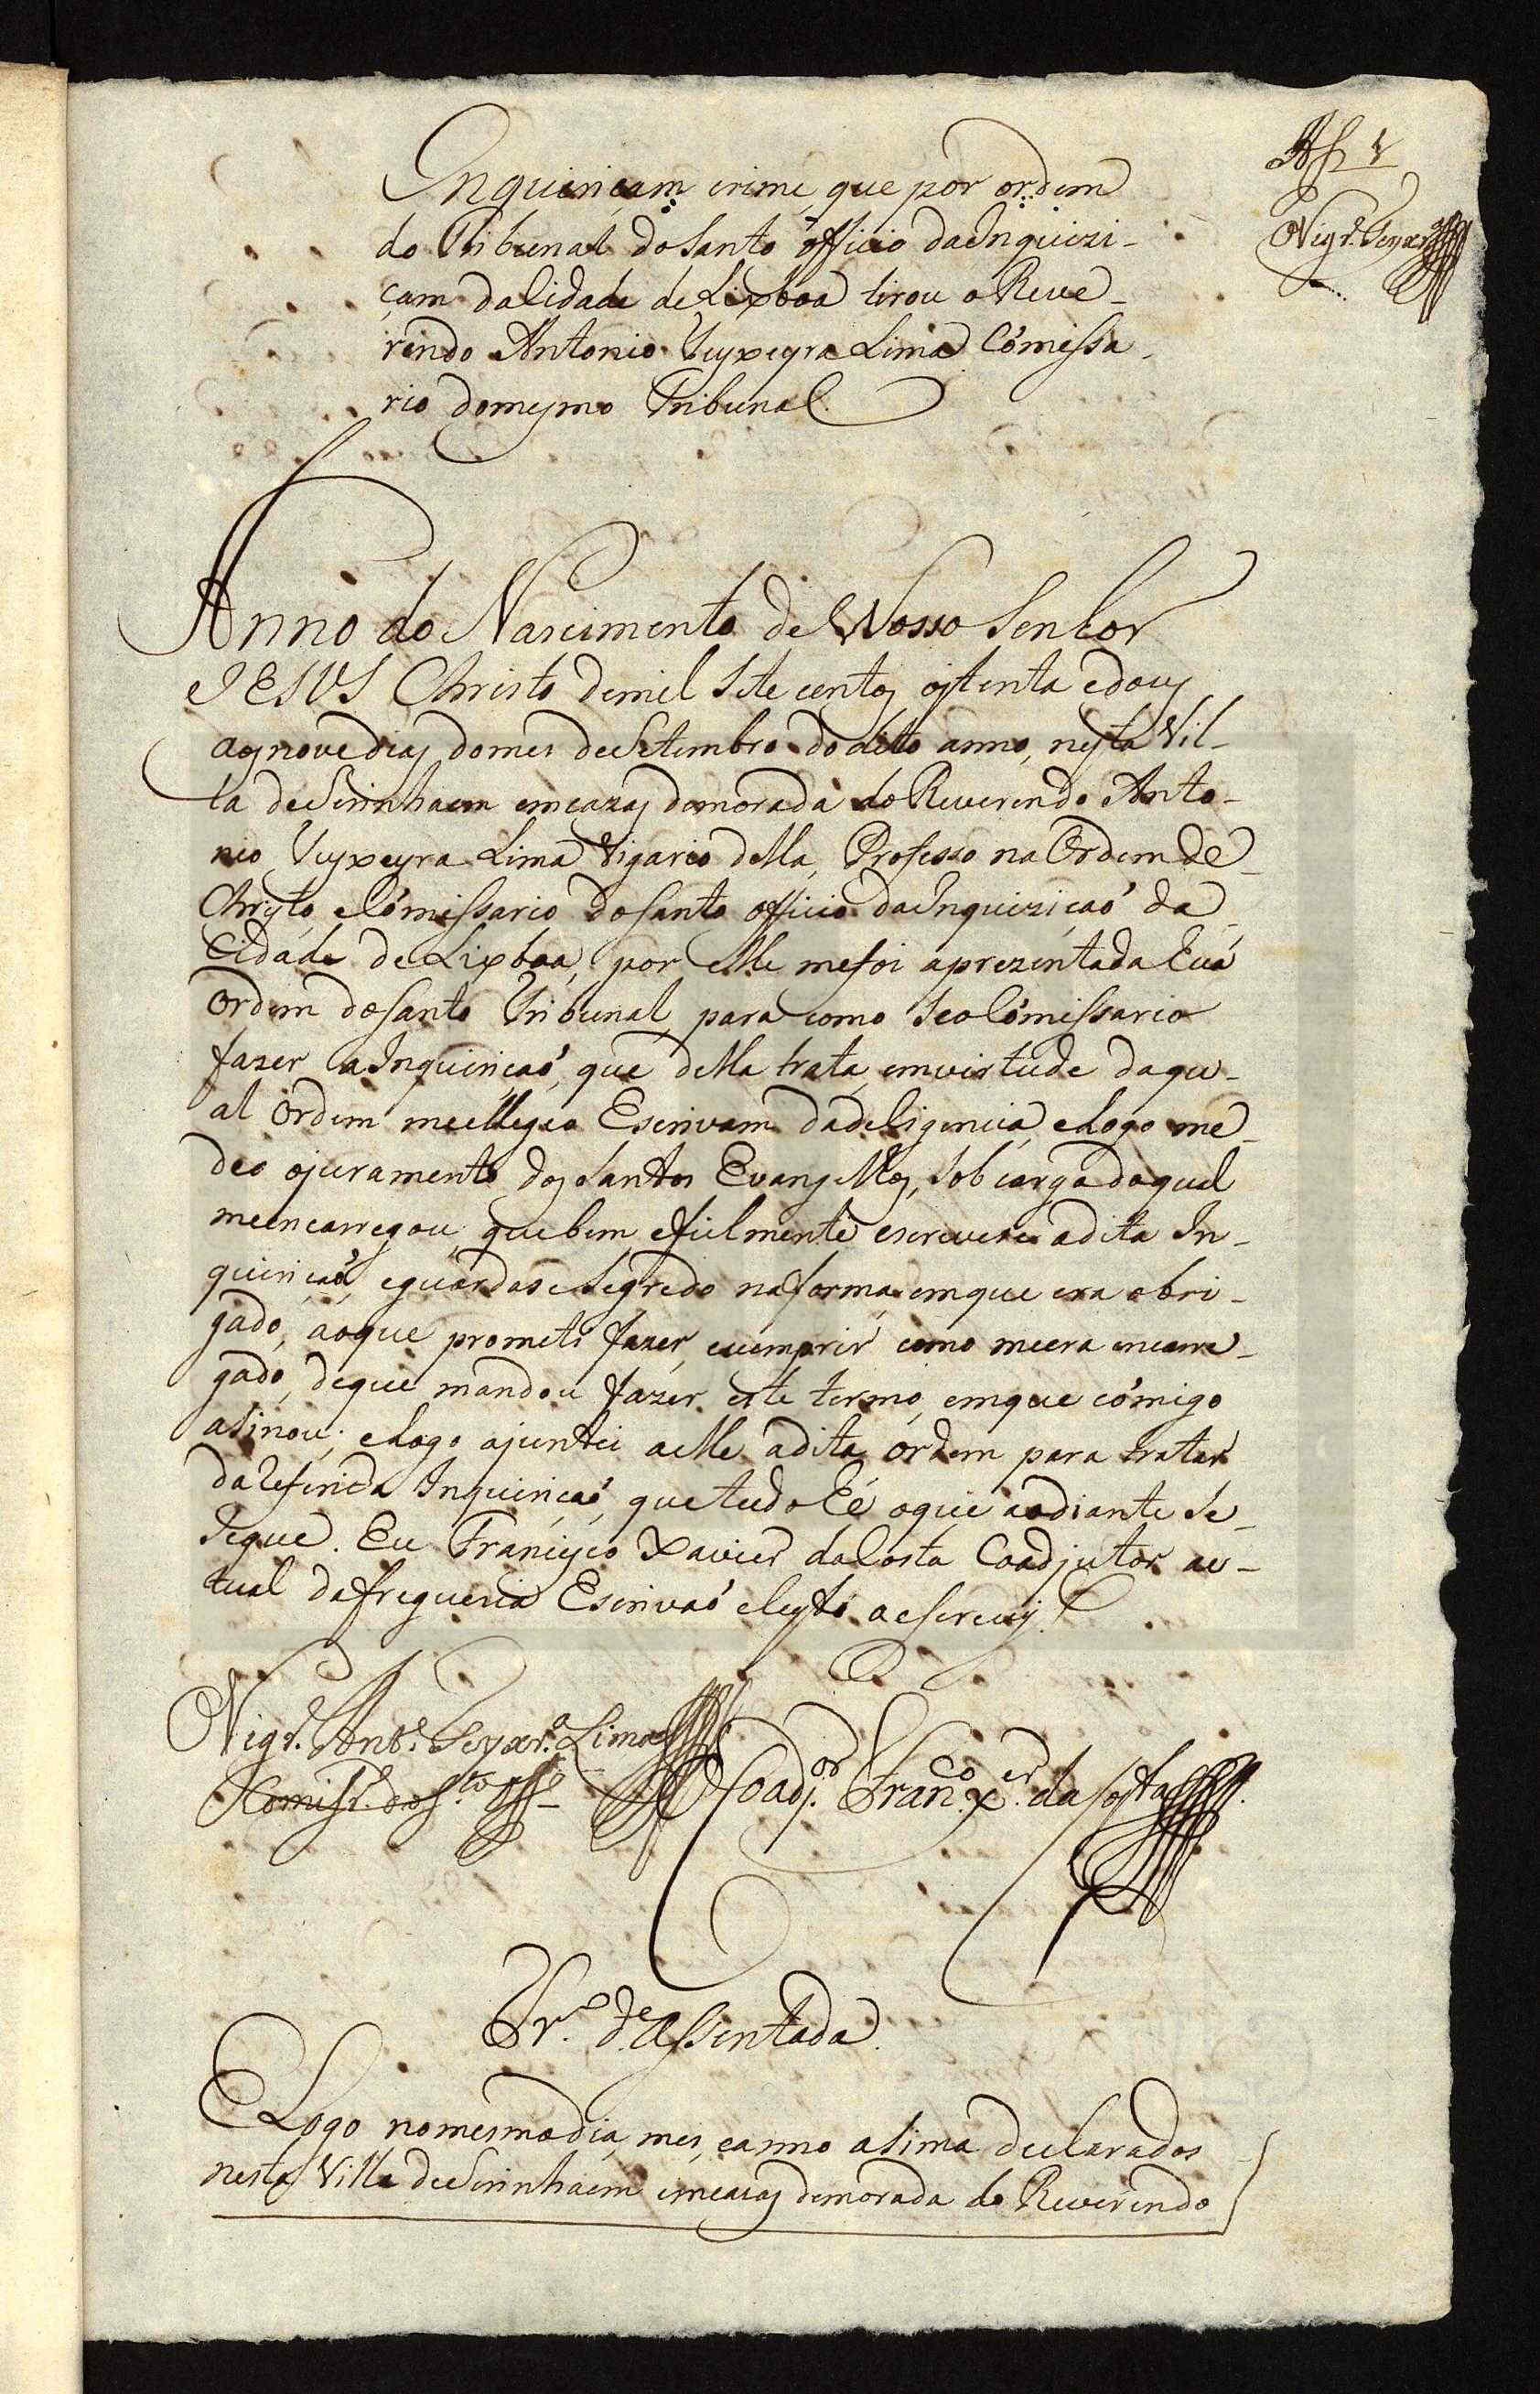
Inquisiçam crime que por ordem
do Tribunal do Santo officio da Inquizi
çam da Cidade de Lixboa tirou o Reve
rendo Antonio Teyxeyra Lima Cōmissa
rio do mesmo Tribunal.
Anno do Nascimento de Nosso Senhor
JESUS Christo de mil Setecentos oitenta e dous
aos nove dias do mes de setembro do ditto anno, nesta Vil
la de Serinhaem em cazas de morada do Reverendo Anto
nio Teyxeyra Lima Vigario della, Professo na Ordem de
Christo e Cōmissario do Santo officio da Inquiziçaõ da
Cidade de Lixboa, por elle me foi aprezentada Huā
ordem do Santo Tribunal, para como Seo Cōmissario
fazer a Inquisiçaõ, que della trata; em virtude da qu
al Ordem me ellegeo Escrivam da deligencia e Logo me
deo o juramento dos Santos Evangelhos, Sob cargo do qual
me encarregou; que bem e fielmente escreveo a dita In
quisiçaõ; e guardar Segredo na forma em que era obri
gado, ao que prometi fazer e cumprir como me era encarre
gado de que mandou fazer este termo em que cōmigo
asinou; e logo ajuntei a elle a dita ordem para tratar
da Referida Inquisiçaõ que tudo Hé o que o adiante se
gue. Eu Francisco Xavier da Costa Coadjutor ac
tual da freguesia Escrivaõ eleyto a escrevy.
Vigr.o Ant.o Teyxr.a Lima
Comisr.o do S.to Off.o Coadj.or Fran.co X.er da Costa
Tr.o de Assentada
E Logo no mesmo dia mes e anno asima declarados
nesta Villa de Serinhaem em casas de morada do Reverendo
Ass. 1
O Vigr.o Teyxr.a
